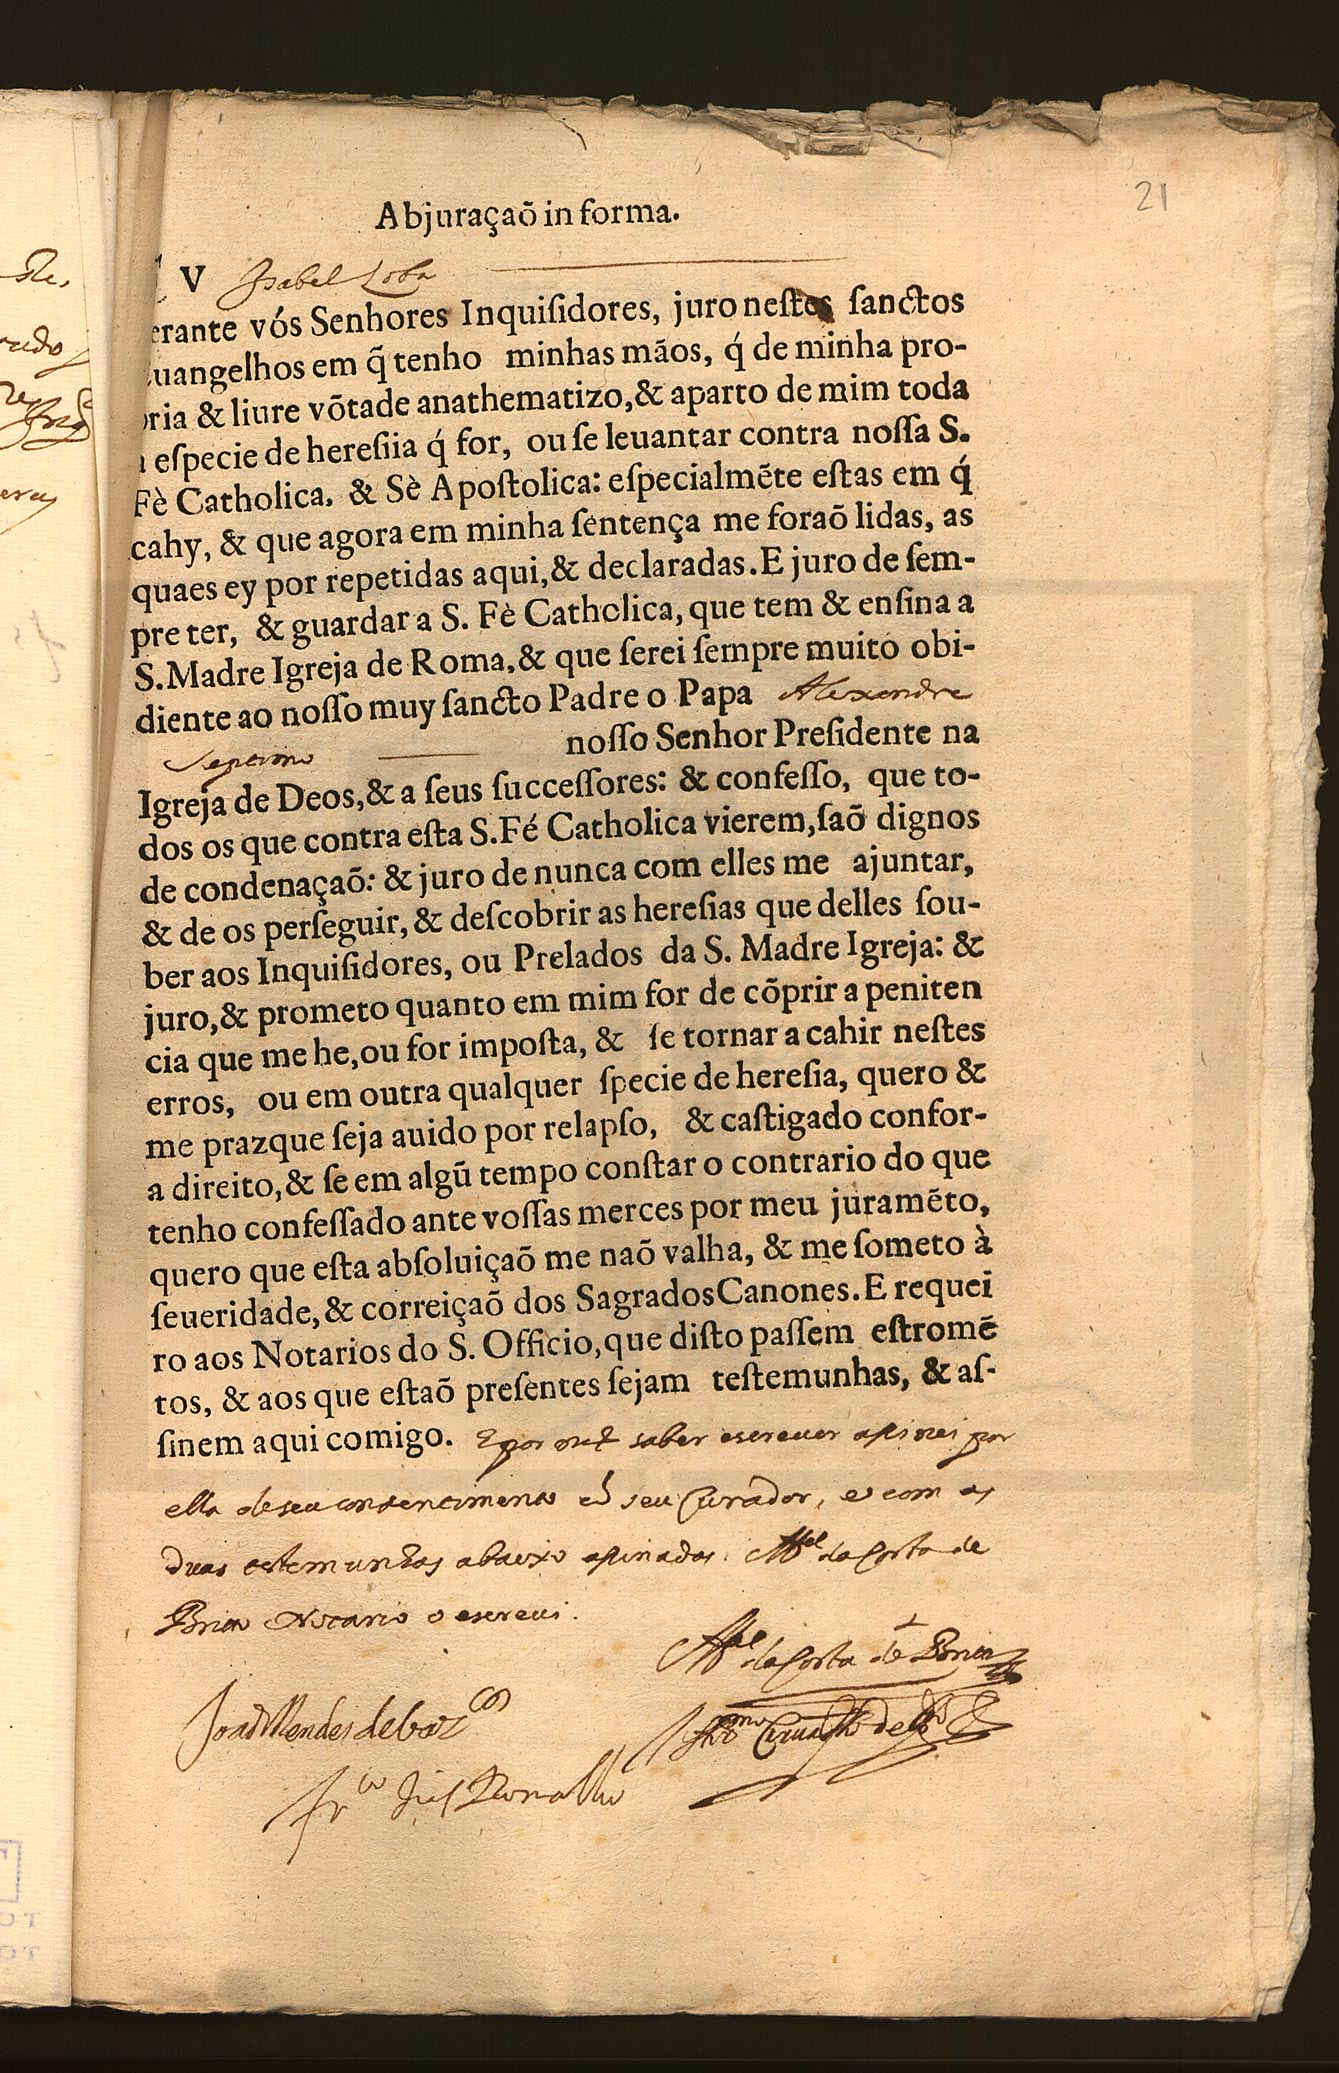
Abjuraçaõ in forma.
V Jsabel Loba
erante vós Senhores Inquisidores, juro nestes sanctos
uangelhos em q̄ tenho minhas mãos, q̄ de minha pro
ria & liure vōtade anathematizo, & aparto de mim toda
especie de heresiia q̄ for, ou se leuantar contra nossa S.
Fè Catholica, & Sè Apostolica: especialmēte estas em q̄
cahy, & que agora em minha sentença me foraõ lidas, as
quaes ey por repetidas aqui, & declaradas. E juro de sem
pre ter, & guardar a S. Fè Catholica, que tem & ensina a
S. Madre Igreja de Roma, & que serei sempre muito obi
diente ao nosso muy sancto Padre o Papa Alexandre
Septimo
nosso Senhor Presidente na
Igreja de Deos, & a seus successores: & confesso, que to
dos os que contra esta S. Fé Catholica vierem, saõ dignos
de condenaçaõ: & juro de nunca com elles me ajuntar,
& de os perseguir, & descobrir as heresias que delles sou
ber aos Inquisidores, ou Prelados da S. Madre Igreja: &
juro, & prometo quanto em mim for de cōprir a peniten
cia que me he, ou for imposta, & se tornar a cahir nestes
erros, ou em outra qualquer specie de heresia, quero &
me praz que seja auido por relapso, & castigado confor
a direito, & se em algū tempo constar o contrario do que
tenho confessado ante vossas merces por meu juramēto,
quero que esta absoluiçaõ me naõ valha, & me someto à
seueridade, & correiçaõ dos Sagrados Canones. E requei
ro aos Notarios do S. Officio, que disto passem estromē
tos, & aos que estaõ presentes sejam testemunhas, & as
sinem aqui comigo. E por o naõ saber escreuer assinei por
ella de seu consentimento cō seu Curador, e com as
duas testemunhas abaixo assinadas. Mel da Costa de
Britto Notario o escreui.
Mel da Costa de Britto
Joaõ Mendes de Vazcos
Hirmo Carualho delgdo
frco dias Ramalho
